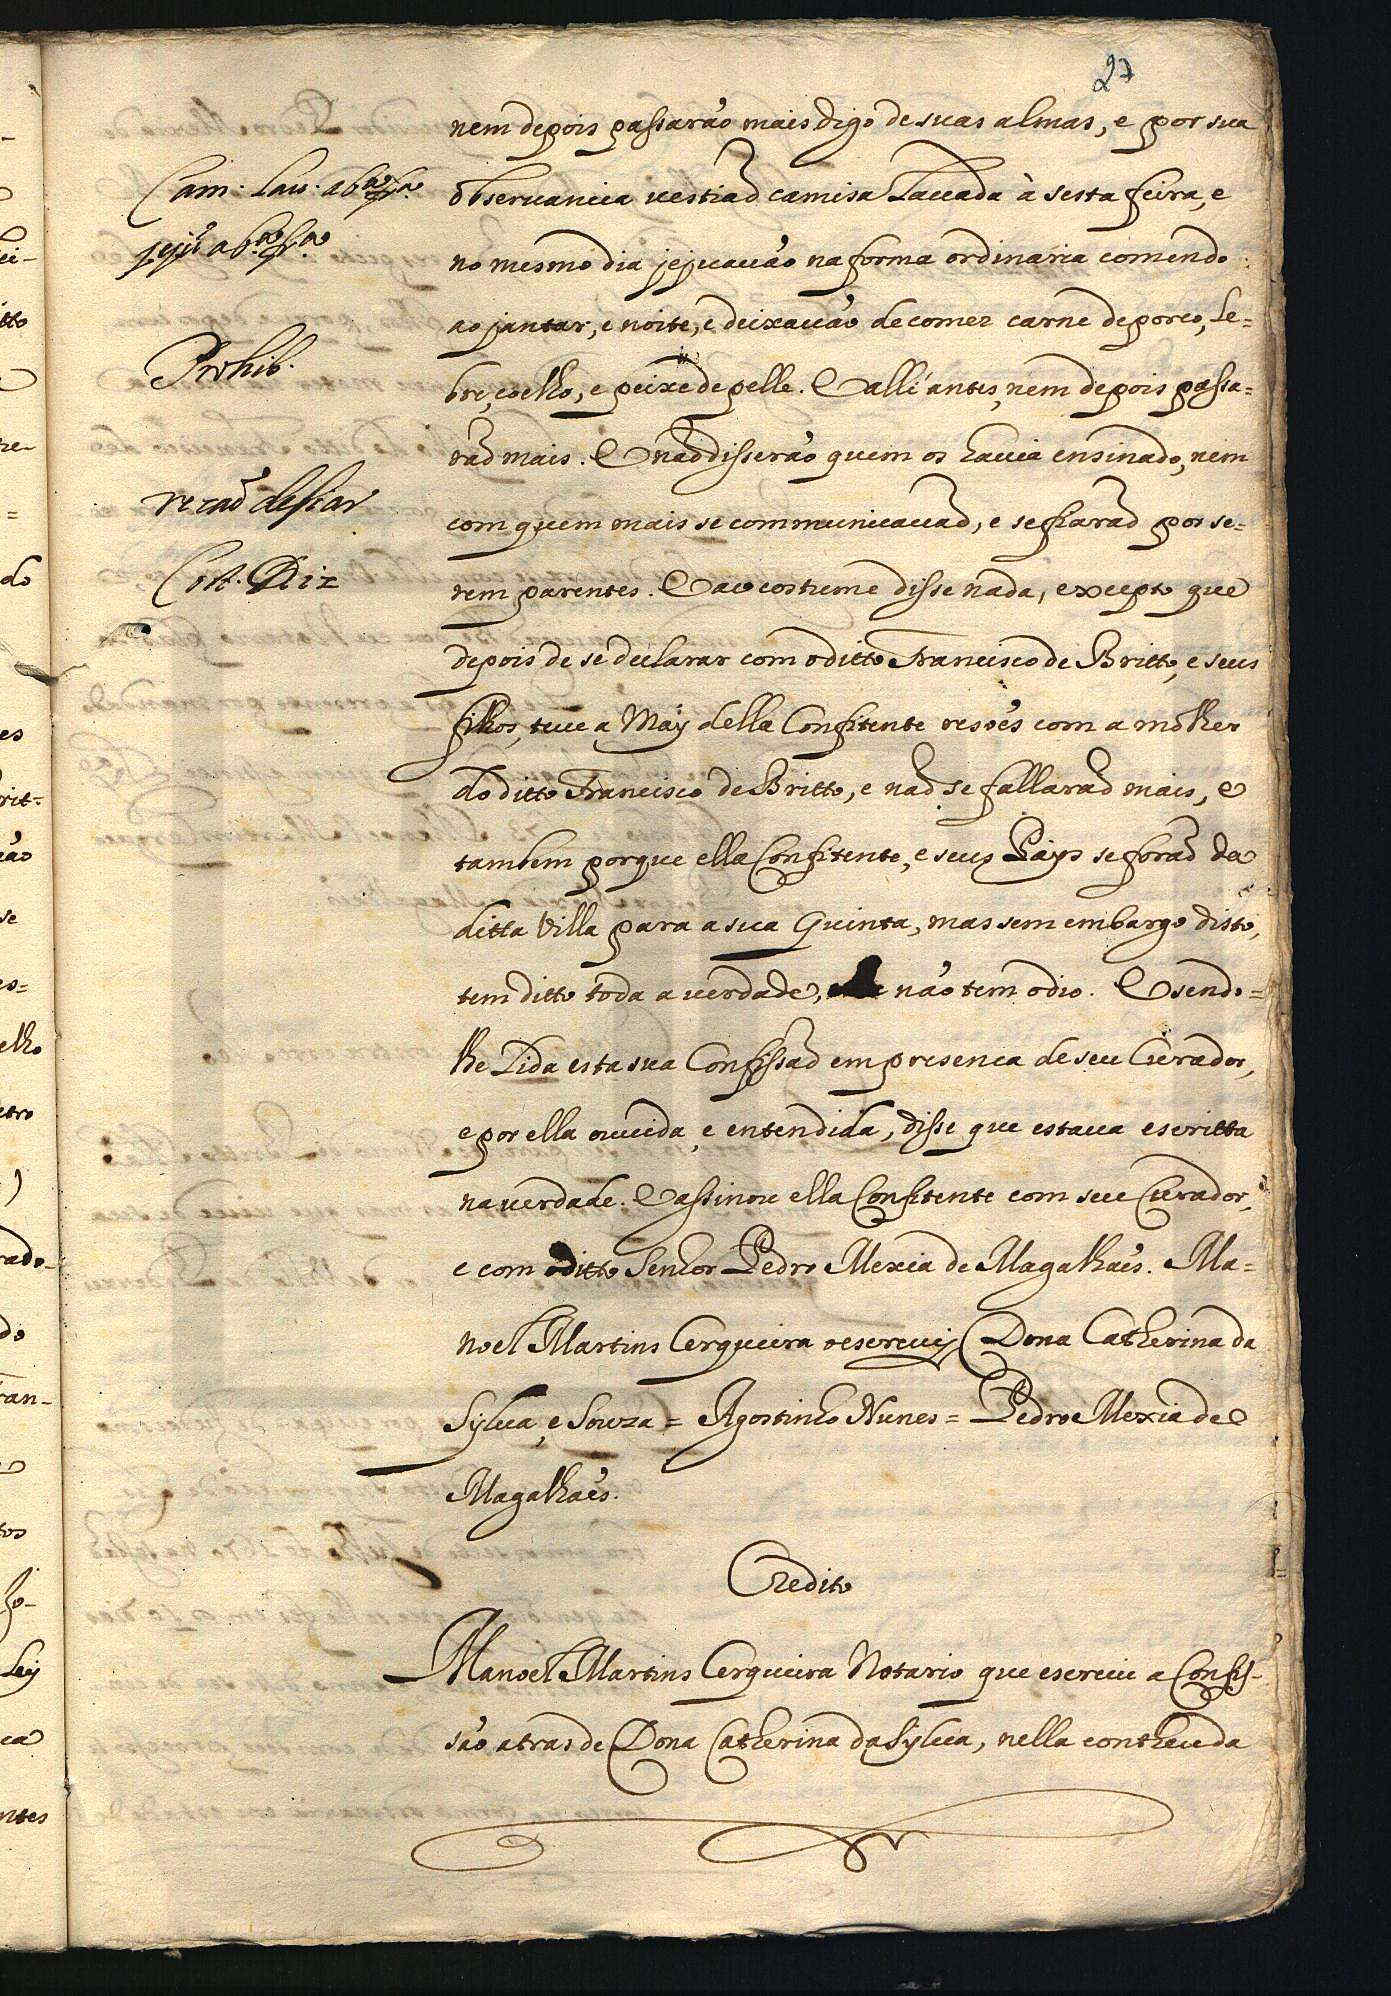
nem depois passarão mais digo de suas almas, e por sua
Cam. lau. a 6.a fr.a
jejū a 6.a fr.a
obseruancia uestiaõ camisa lauada à sesta feira, e
no mesmo dia jejuauaõ na forma ordinaria comendo
ao jantar, e noite, e deixauão de comer carne de porco, le
Prohib.
bre coelho, e peixe de pelle. E alli antes, nem depois passa
raõ mais. E naõ disseraõ quem os hauia ensinado, nem
rezaõ de fiar
com quem mais se communicauaõ, e se fiaraõ por se
Cost. Diz
rem parentes. E ao costume disse nada, excepto que
depois de se declarar com o ditto Francisco de Britto, e seus
filhos, teue a May della Confitente resoẽs com a molher
do ditto Francisco de Britto, e naõ se fallaraõ mais, e
tambem porque ella Confitente, e seus Pays se foraõ da
ditta Villa para a sua Quinta, mas sem embargo disto,
tem ditto toda a uerdade, e naõ tem odio. E sendo
lhe Lida esta sua Confissaõ em presença de seu Curador
e por ella ouuida, e entendida, disse que estaua escritta
na uerdade. E assinou ella Confitente com seu Curador
e com o ditto Senhor Pedro Mexia de Magalhaẽs, Ma
noel Martins Cerqueira o escreuy. Dona Catherina da
Sylua, e Souza = Agostinho Nunes = Pedro Mexia de
Magalhaẽs.
Credito
Manoel Martins Cerqueira Notario que escreui a Confis
saõ atras de Dona Catherina da Sylua, nella contheuda
